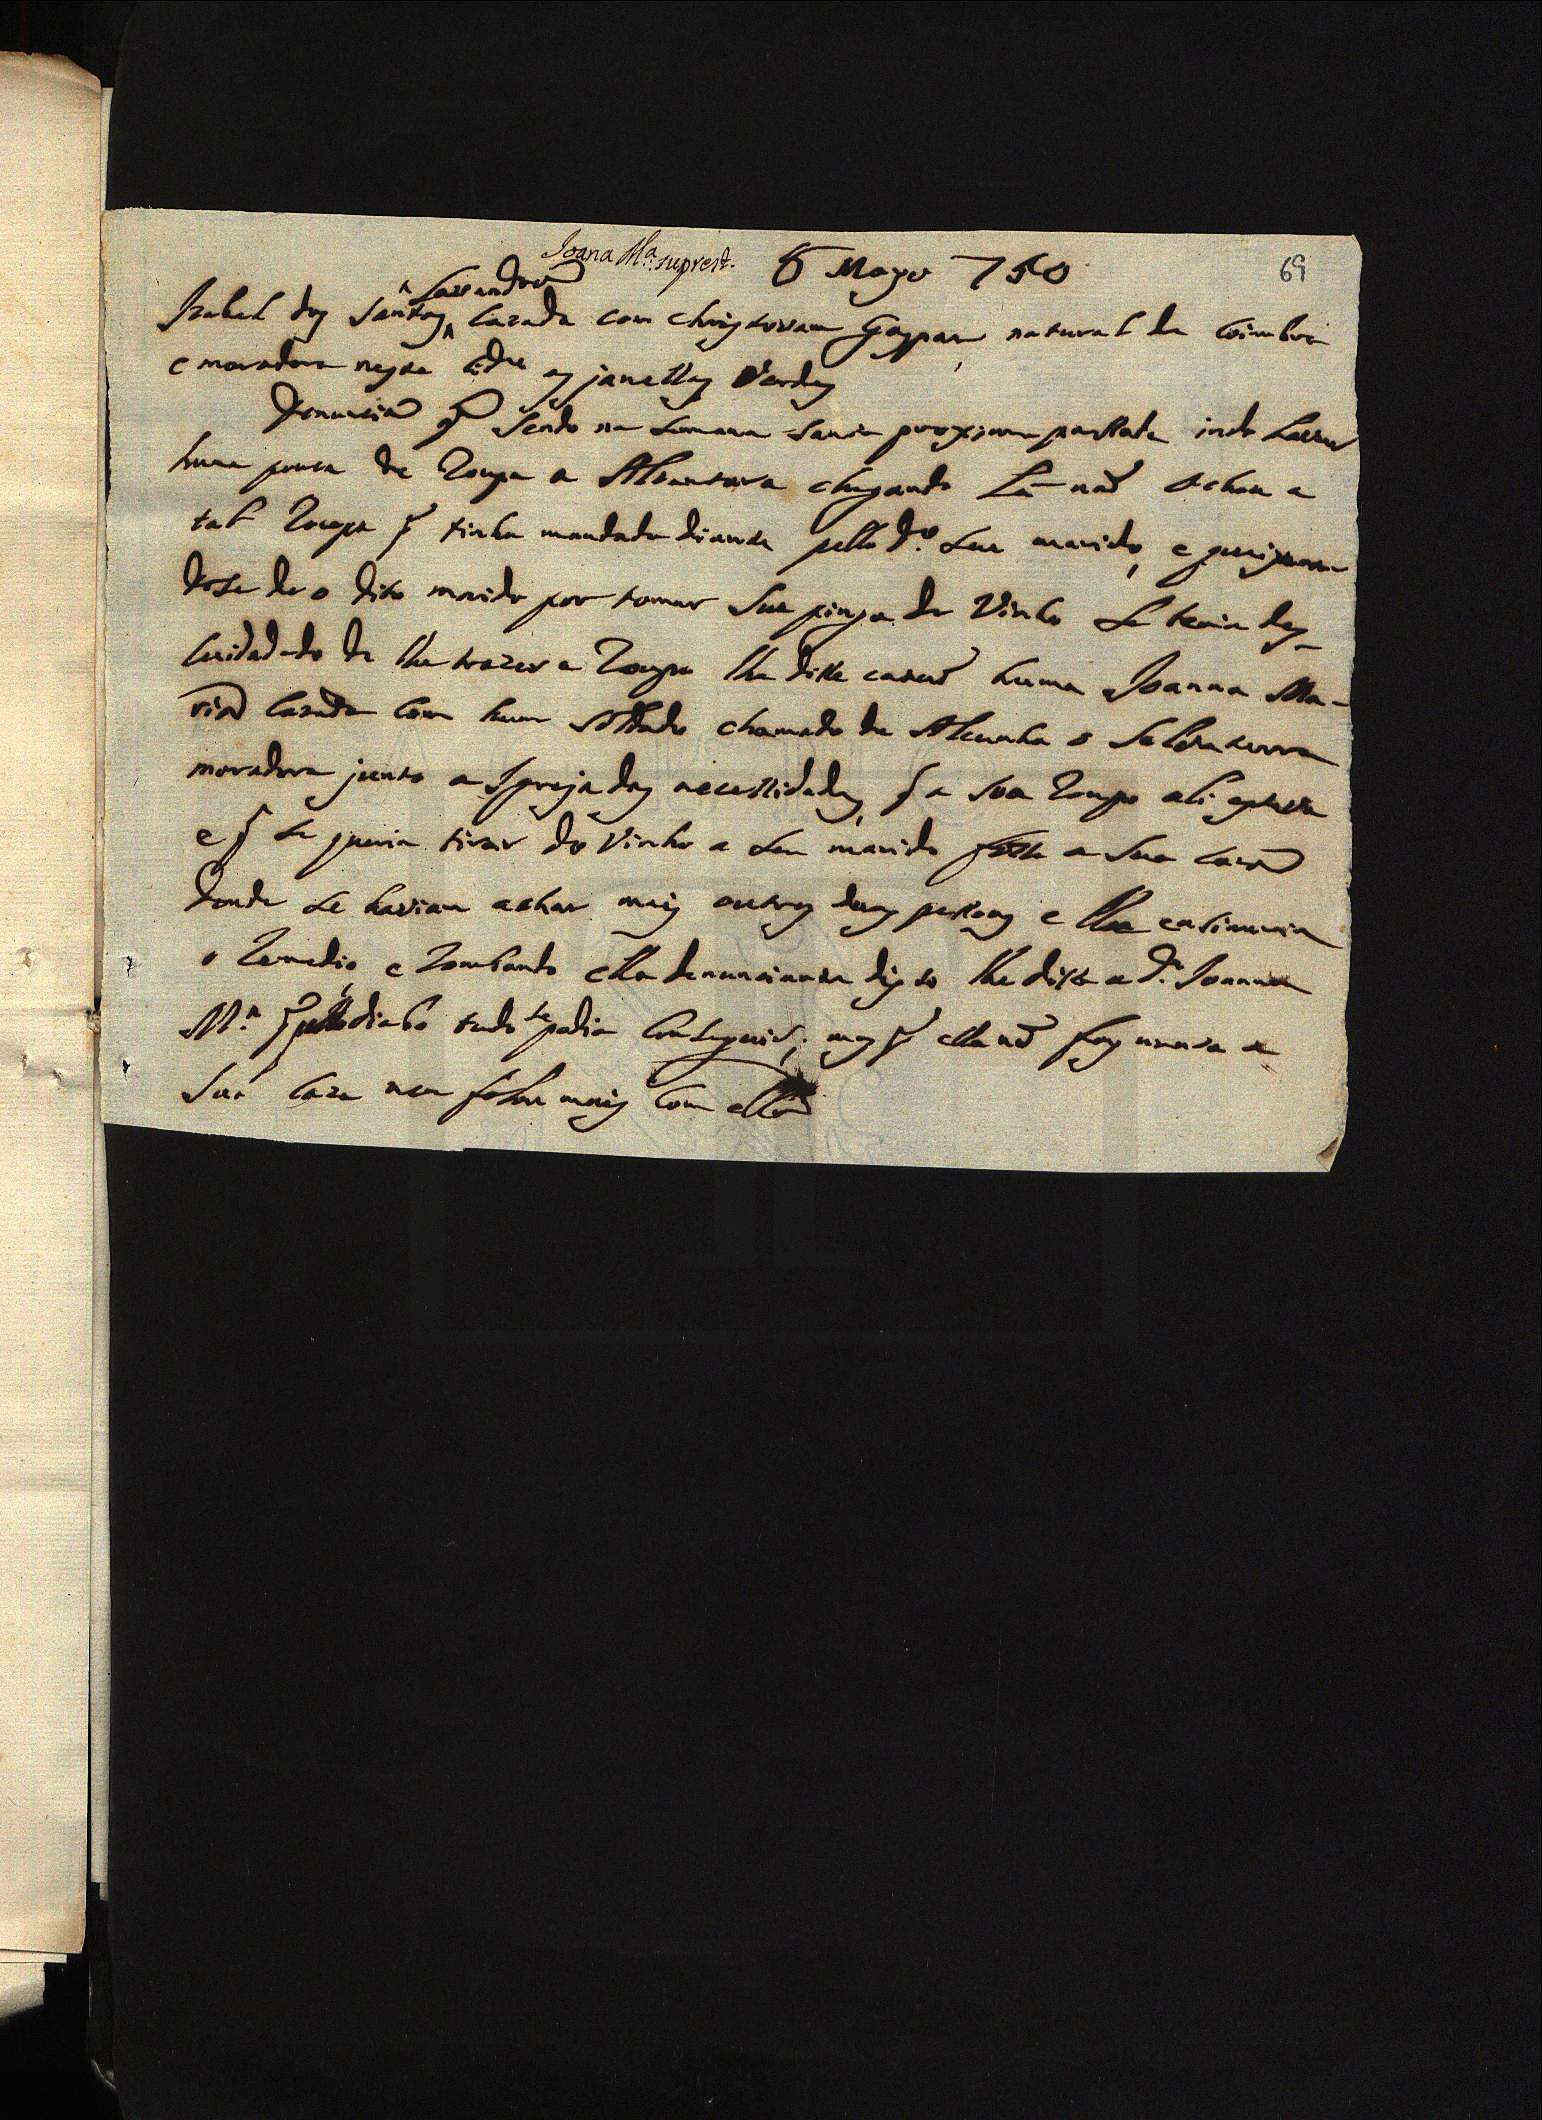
Ioana M.a suprest.
8 Mayo 750
Lavandra
Jzabel dos santos, cazada com christovam Gaspar, natural da Coimbra
e moradora nesta Cide as janellas Verdes
Denuncia q̄ sendo na semana santa proxima passada indo Lauar
hum pouco de Roupa a Alcantara chegando Lá naõ achou a
tal Roupa q̄ tinha mandado diante pello d.o Seu marido, e queixan
dose de o dito marido por tomar sua pinga de Vinho se teria des
Cuidadado de lhe trazer a Roupa lhe disse cataõ huma Ioanna Ma
ria Cazada com hum soldado chamado da Alcunha o saluaterra
moradora junto a Igreja das necessidades, q̄ a sua Roupa ali estava
e q̄ se queria tirar do vinho a seu marido fosse a sua caza
donde se haviam achar mais outras duas pessoas e lhe ensinaria
o Remedio e Zombando ella denunciante disto lhe disse a d.a Ioanna
M.a q̄ pello diabo tudo se podia Conseguir; mas q̄ ella naõ foy nunca a
sua Caza nem falou mais Com ella
